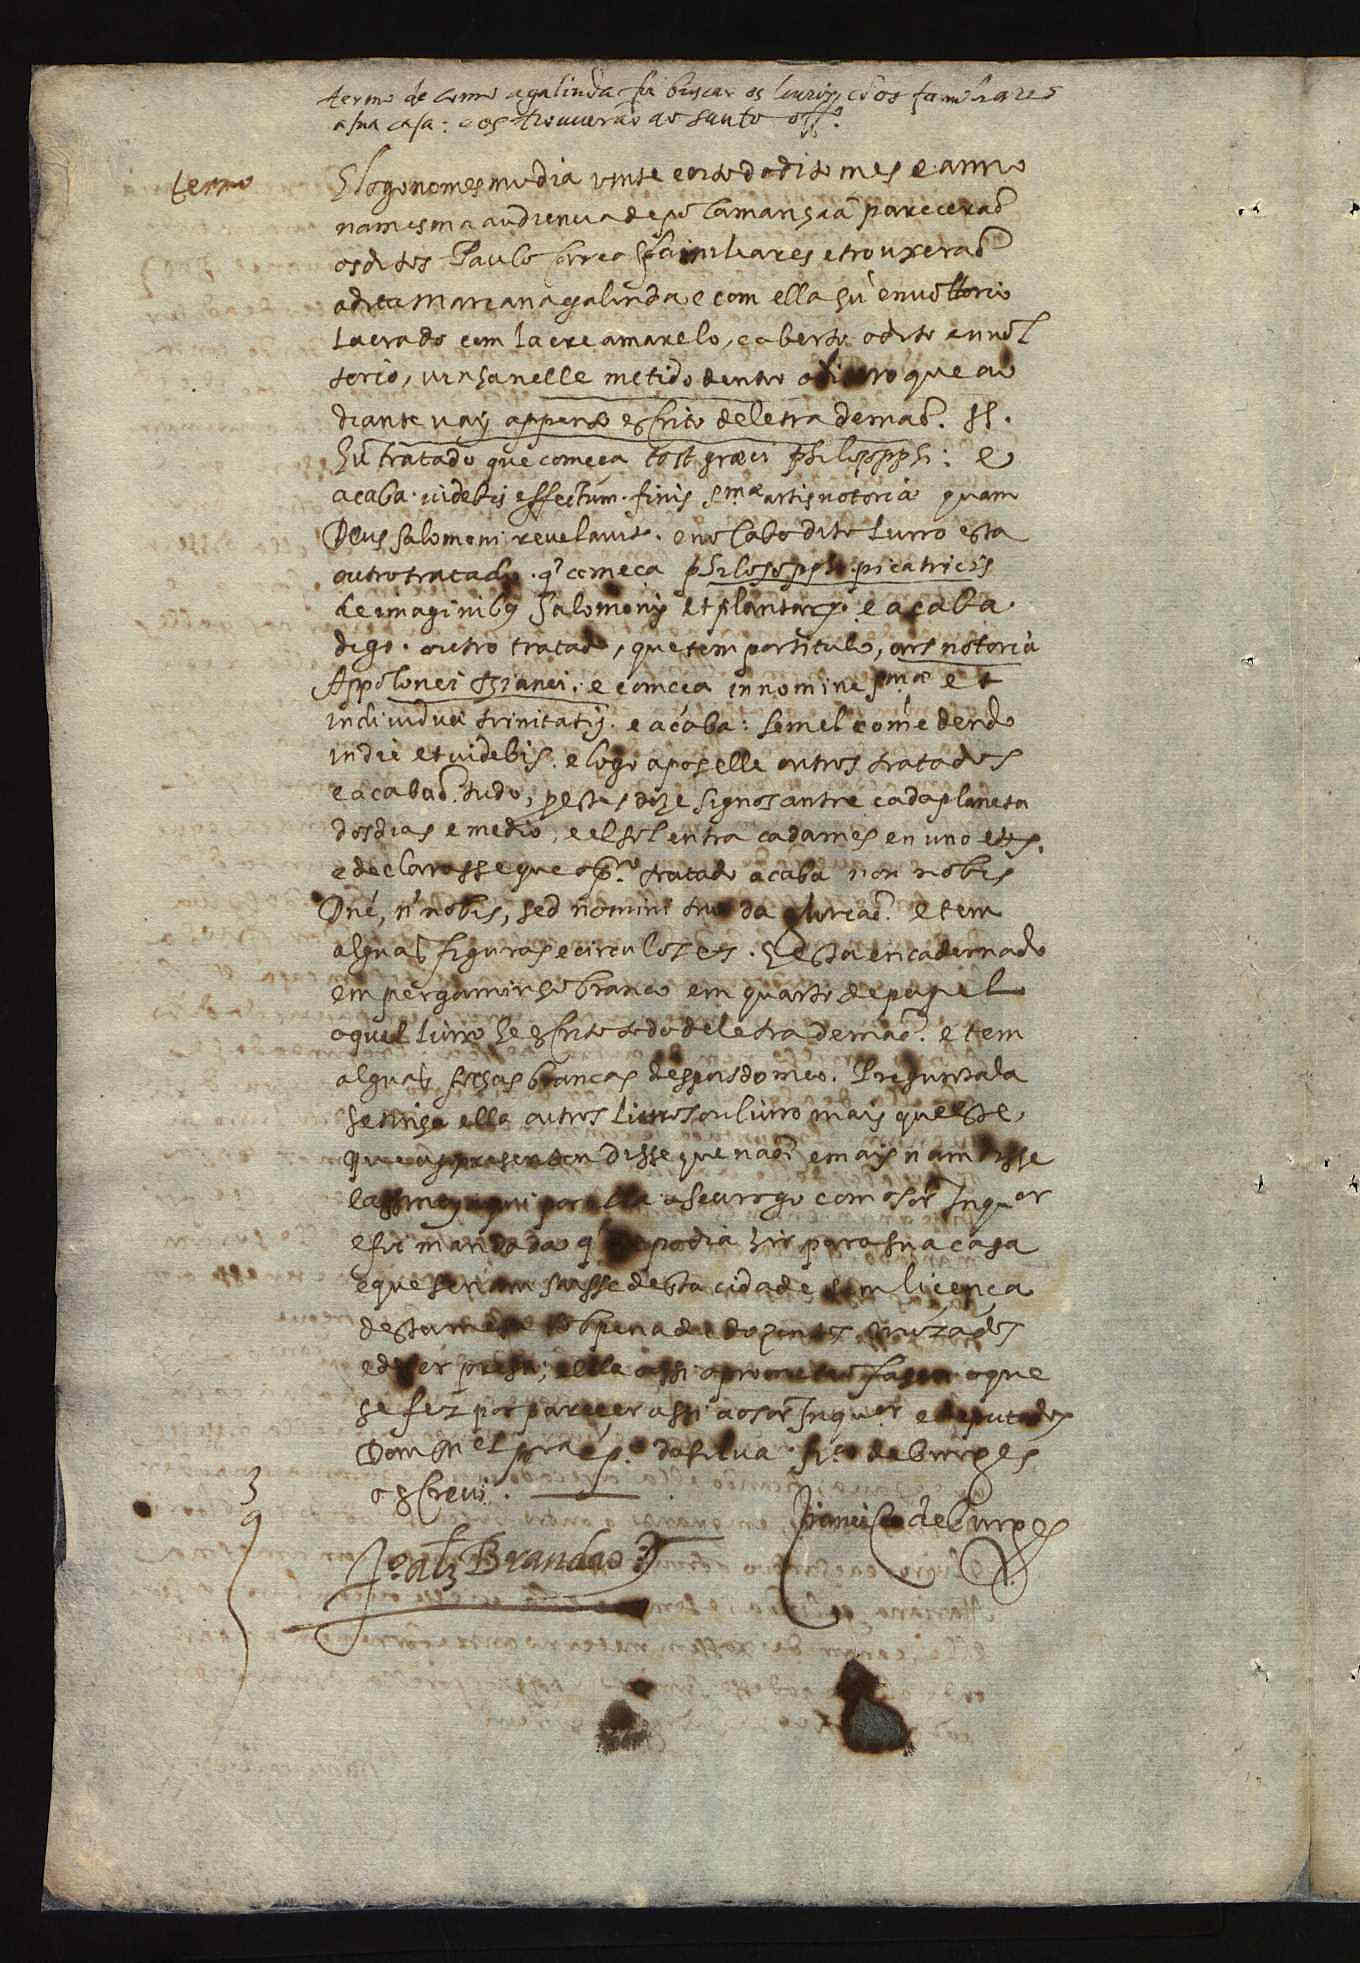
termo
termo de como a galinda foi buscar os liuros cō os familiares
a sua casa: e os trouueraõ ao santo offo
E logo no mesmo dia vinte e oito do dito mes e anno
na mesma audiencia de pola manhaā pareceraõ
os ditos Paulo Correa e familiares e trouxeraõ
a dita mariana galinda e com ella hū enuoltorio
lacrado com lacre amarelo, e aberto o dito enuol
torio, uinha nelle metido dentro o liuro que ao
diante uay appenso esCrito de letra de maõ. ss.
hū tratado que começa tost græci philosopphi: e
acaba uidebis effectum. finis, s.mæ artis notoria quam
Deus salomoni reuelauit. e no Cabo dito Liuro esta
outro tratado q̄ começa philosopph. picatricis
de imaginibꝯ Salomonis et plantarꝭ, e acaba
digo. outro tratado, que tem por titulo, ars notoriā
Appolonei Bianei: e começa in nomine s.mæ et
indiuiduæ trinitatis. e acaba: semel com̄edendo
in dei et uidebis. e logo apos elle outros tratados
e acabaõ tudo, ꝓ estes doze signos antre cada planeta
dos dias e medio, e el sol entra cada mes en uno ettꝭ.
e declarasse que o p.ro tratado acaba non nobis
Dnē, n̄ nobis, sed nomini tuo da gloriā, e tem
alguas̄ figuras e circulos etꝭ. E esta encadernado
em pergaminho branco em quarto de papel
o qual liuro he esCrito todo de letra de maõ, e tem
alguas̄ folhas brancas despois do meo. Preguntada
se tinha ella outros liuros ou liuro mais que este,
que appresentou disse que naõ e mais nam disse
e assiney aqui por ella a seu rogo com o sor̄ Jnquor
e foi mandada q̄ se podia hir pera sua casa
e que se nam saisse desta cidade sem licença
desta mesa sob pena de dozentos cruzados
e de ser presa; e ella assi o prometeo fazer o que
se fez por parecer assi ao sor̄ Jnqu.or e deputados
Dom Mel pra e p.o da silua. fr.co de burges
o esCreui.
Francisco de burges
J.o al̄z Brandão
